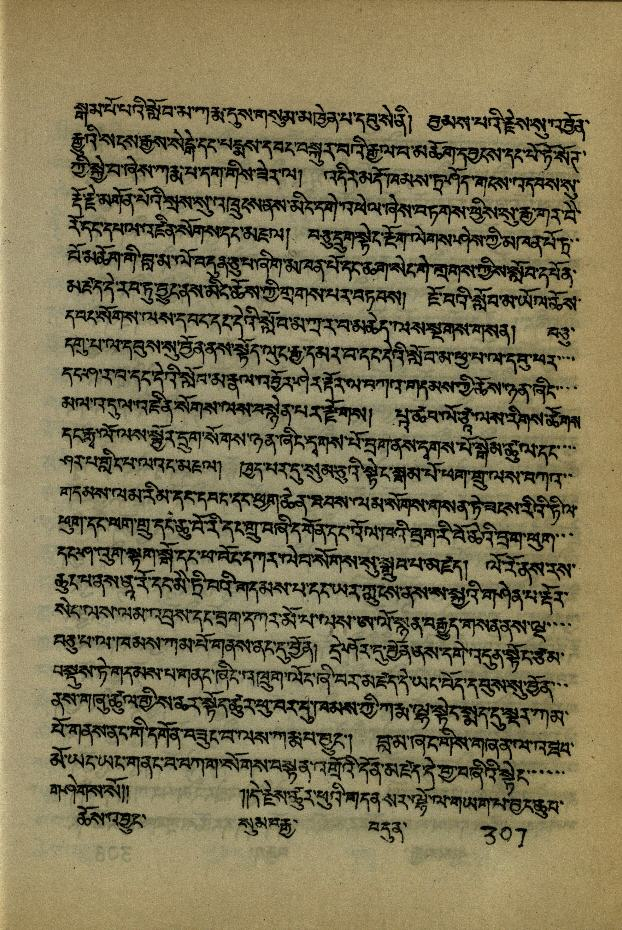སྒམ་པོ་པའི་སློབ་མ་ཀརྨ་དུས་གསུམ་མཁྱེན་པ་དབུ་སེ་ནི། བྱམས་པའི་རྗེས་སུ་འབྱོན་
རྒྱུའི་སངས་རྒྱས་སེངྒེ་དང་པདམས་དབང་བསྐུར་བའི་རྒྱལ་བ་མཆོག་དབྱངས་དང་པོ་ཏོ་སོཌ་
ཀྱི་སྐྱེ་བ་ཞེས་ཀརྨ་པ་དག་གིས་ཟེར་ལ། འདིར་མདོ་ཁམས་ཏྲ་ཤོད་གངས་འདབས་སུ་
རྡོ་རྗེ་མགོན་པོའི་སྲས་སུ་འཁྲུངས་ནས་མིང་དགེ་འཕེལ་ཞེས་བཏགས་ཕྱིས་སུ་རྒྱ་གར་བཻ་
རོ་དང་དཔལ་འཛིན་སོགས་དང་མཇལ། བཅུ་དྲུག་སྟེང་རྡོག་ལེགས་ཤེས་ཀྱི་མཁན་པོ་ཏྲ་
བོ་མཆོག་གི་བླ་མ་ལོ་བདུན་ཅུ་པ་ཞིག་མཁན་པོ་དང་ཆགས་སེང་གེ་གྲགས་ཀྱིས་སློབ་དཔོན་
མཛད་དེ་རབ་ཏུ་བྱུང་ནས་མིང་ཆོས་ཀྱི་གྲགས་པར་བཏབས། ཇོ་བའི་སློབ་མ་ཡོལ་ཆོས་
དབང་སོགས་ལས་དབང་དང་དེའི་སློབ་མ་ཀྲ་ར་བ་མཆེད་ལས་སྔགས་གསན། བཅུ་
དགུ་པ་ལ་དབུས་སུ་བྱོན་ནས་སྟོད་ལུང་རྒྱ་དམར་བ་དང་དེའི་སློབ་མ་ཕྱ་བ་ལ་དབུ་ཕར་
དང་ཤ་ར་བ་དང་དེའི་སློབ་མ་རྣལ་འབྱོར་ཤེར་རྡོར་ལ་བཀའ་གདམས་ཀྱི་ཆོས་ཉན་ཞིང་
མལ་འདུལ་འཛིན་སོགས་ལས་བསྙེན་པར་རྫོགས། པཱ་ཚབ་ལོ་ཙཱ་ལས་རིགས་ཚོགས་
དང་རྒྭ་ལོ་ལས་སྦྱོར་དྲུག་སོགས་ཉན་ཞིང་དྭགས་པོ་བྲག་ནས་དྭགས་པོ་སྒོམ་ཚུལ་དང་
ཤར་པ་གླིང་པ་ལའང་མཇལ། ཁྱད་པར་དུ་སུམ་ཅུའི་སྟེང་སྒམ་པོ་ཕག་གྲུ་ལས་བཀའ་
གདམས་ལམ་རིམ་དང་དབང་དང་ཕྱག་ཆེན་ཐབས་ལམ་སོགས་གསན་ཏེ་ཟངས་རིའི་ཏི་ལ་
ཕུག་དང་ཕག་གྲུ་དང་ཆུ་བོ་རི་དང་གྲུ་བཞི་དགོན་དང་འོལ་ཁའི་བྲག་རི་བོ་ཆེའི་བྲག་ཕུག་
དང་ཤ་འུག་སྟག་སྒོ་དང་ཕ་བོང་དཀར་ལེབ་སོགས་སུ་སྒྲུབ་པ་མཛད། ལོ་རོ་ནས་རས་
ཆུང་པ་ནས་ནཱ་རོ་དང་མཻ་ཏྲི་པའི་གདམས་པ་དང་ཡར་ཀླུ་གནས་ནས་ས་སྐྱའི་གཤེན་པ་རྡོར་
སེང་ལས་ལམ་འབྲས་དང་བྲག་དཀར་མོ་པ་ལས་ཨ་ལོ་སྙན་བརྒྱུད་གསན་ནས་ལྔ་
བཅུ་པ་ལ་ཁམས་ཀམ་པོ་གནས་ནང་དུ་བྱོན། དྲེ་ཤོར་དུ་བྱོན་ནས་དགེ་འདུན་སྟོང་ཙམ་
བསྡུས་ཏེ་གདམས་པ་གནང་ཞིང་འཁྲུག་ལོང་ཞི་བར་མཛད་དེ་ཡང་བོད་དབུས་སུ་བྱོན་
ནས་གཞུ་ཚུལ་གྱི་ས་ཆར་སྟོད་ཚུར་ཕུ་བར་དུ་ཁམས་ཀྱི་ཀརྨ་ལྷ་སྟེང་སྨད་དུ་སྔར་ཀམ་
པོ་གནས་ནང་གི་དགོན་བཟུང་བ་ལས་ཀརྨ་པ་བྱུང་། བླ་མ་ཞང་གིས་གཞན་ལ་འཐབ་
མོ་ཡང་ཡང་གནང་བ་བཀག་སོགས་བསྟན་འགྲོའི་དོན་མཛད་དེ་གྱ་བཞིའི་སྟེང་
གཤེགས་སོ།། །།དེ་རྗེས་ཚུར་ཕུའི་གདན་སར་ལྷོ་ལ་གཡག་པ་བྱང་ཆུབ་